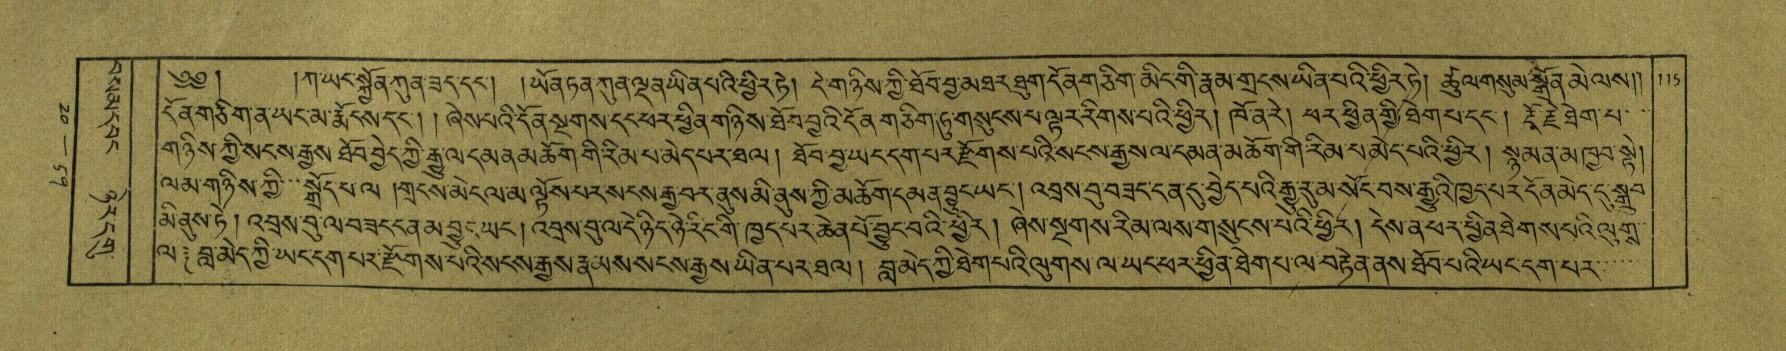༄༅། །ཀ་ཡང་སྐྱོན་ཀུན་ཟད་དང་། །ཡོན་ཏན་ཀུན་ལྡན་ཡིན་པའི་ཕྱིར་ཏེ། དེ་གཉིས་ཀྱི་ཐོབ་བྱ་མཐར་ཐུག་དོན་གཅིག་མིང་གི་རྣམ་གྲངས་ཡིན་པའི་ཕྱིར་ཏེ། ཚུལ་གསུམ་སྒྲོན་མེ་ལས། །
དོན་གཅིག་ན་ཡང་མ་རྨོངས་དང་། །ཞེས་པའི་དོན་སྔགས་དང་ཕར་ཕྱིན་གཉིས་ཐོབ་བྱའི་དོན་གཅིག་ཏུ་གསུངས་པ་ལྟར་རིགས་པའི་ཕྱིར། ཁོ་ན་རེ། ཕར་ཕྱིན་གྱི་ཐེག་པ་དང་། རྡོ་རྗེ་ཐེག་པ་
གཉིས་ཀྱི་སངས་རྒྱས་ཐོབ་བྱེད་ཀྱི་རྒྱུ་ལ་དམན་མཆོག་གི་རིམ་པ་མེད་པར་ཐལ། ཐོབ་བྱ་ཡང་དག་པར་རྫོགས་པའི་སངས་རྒྱས་ལ་དམན་མཆོག་གི་རིམ་པ་མེད་པའི་ཕྱིར། སྙམ་ན་མ་ཁྱབ་སྟེ།
ལམ་གཉིས་ཀྱི་སྒྲོད་པ་ལ་།གྲངས་མེད་ལ་མ་ལྟོས་པར་སངས་རྒྱས་བར་ནུས་མི་ནུས་ཀྱི་མཆོག་དམན་བྱུང་ཡང་། འབྲས་བུ་བཟང་ངན་དུ་བྱེད་པའི་རྒྱུ་རུ་མ་སོང་བས་རྒྱུའི་ཁྱད་པར་དོན་མེད་དུ་སྒྲུབ་
མི་ནུས་ཏེ། འབྲས་བུ་ལ་བཟང་ངན་མ་བྱུང་ཡང་། འབྲས་བུ་ལ་དེ་ཉིད་ཉེ་རིང་གི་ཁྱད་པར་ཆེན་པོ་བྱུང་བའི་ཕྱིར། ཞེས་སྔགས་རིམ་ལས་གསུངས་པའི་ཕྱིར། དེས་ན་ཕར་ཕྱིན་ཐེགས་པའི་ལུགས་
ལ༑ བླ་མེད་ཀྱི་ཡང་དག་པར་རྫོགས་པའི་སངས་རྒྱས་རྣམས་སངས་རྒྱས་ཡིན་པར་ཐལ། བླ་མེད་ཀྱི་ཐེག་པའི་ལུགས་ལ་ཡང་ཕར་ཕྱིན་ཐེག་པ་ལ་བརྟེན་ནས་ཐོབ་པའི་ཡང་དག་པར་